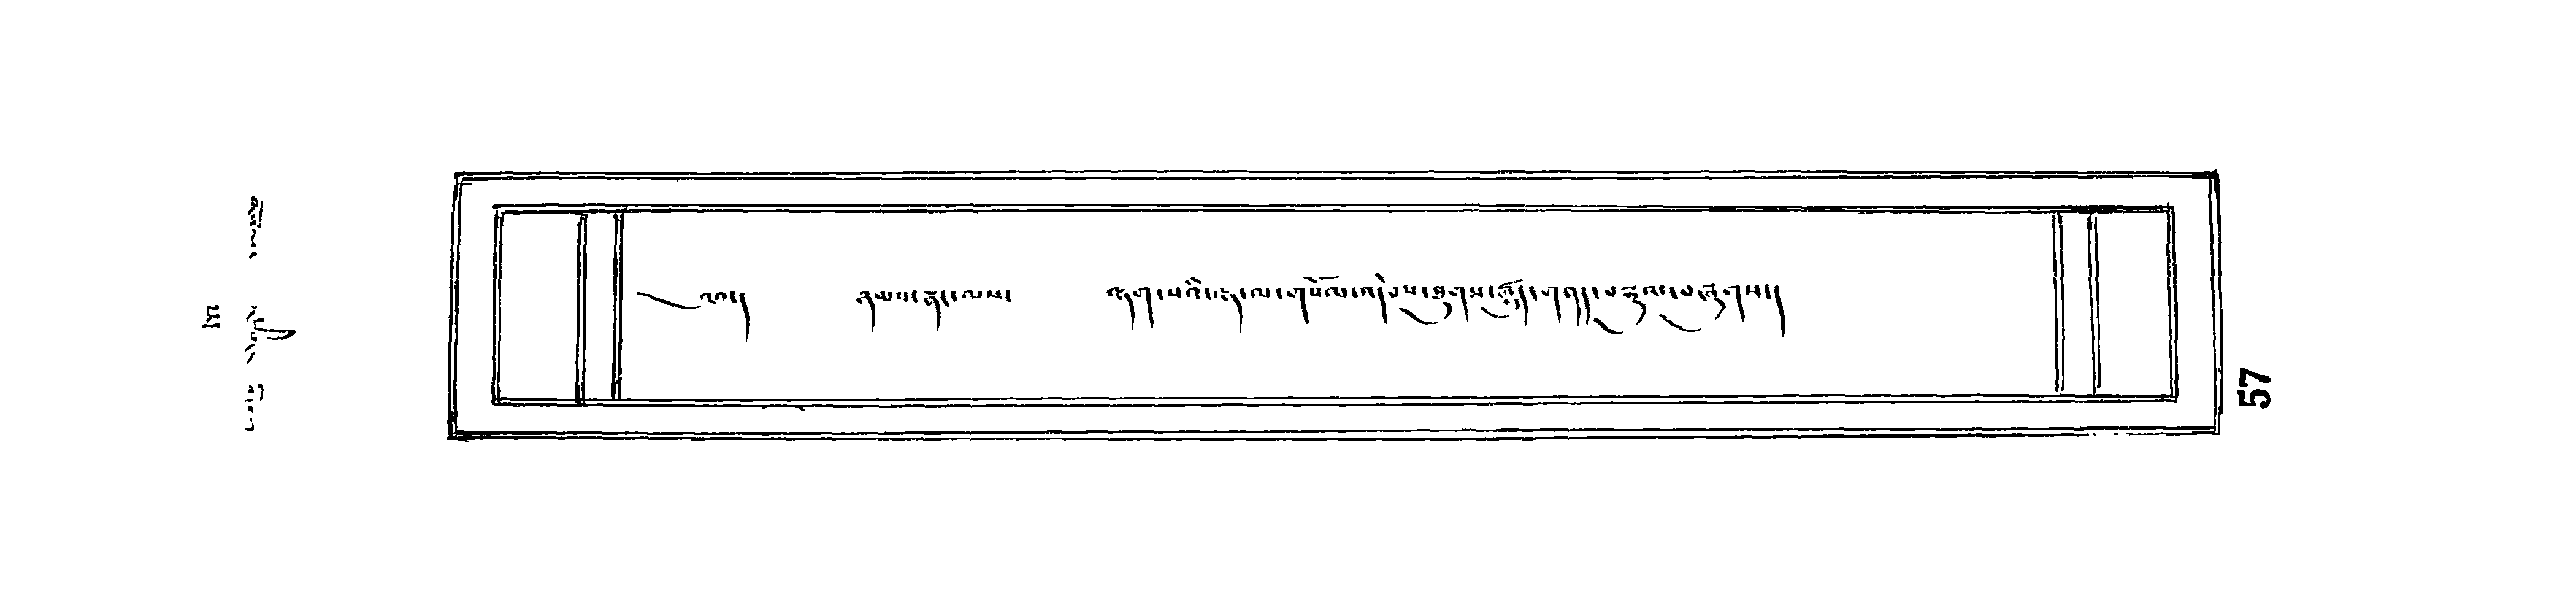༄༅། ཉམས་སྣང་ལས་ལྷག་པའི་ལྷ་ལ་གསོལ་འདེབས་ཐུགས་རྒྱུད་གནས་བསྐུལ་བཞུགས།